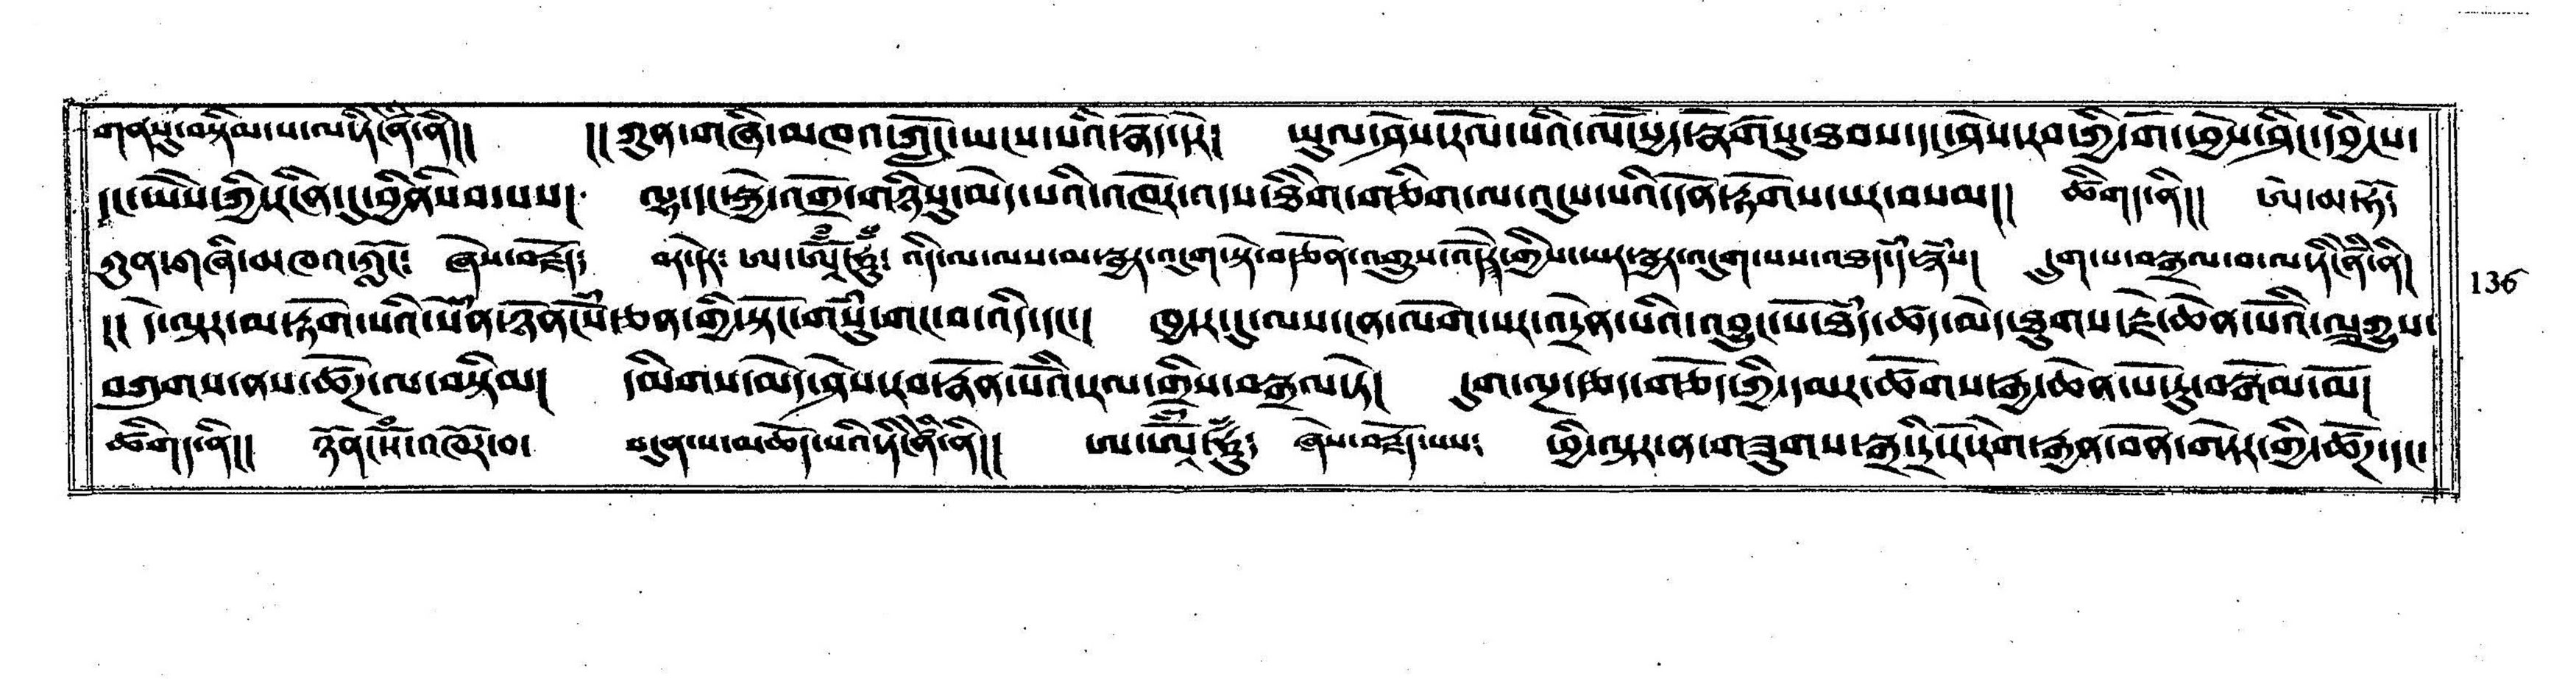གནས་སུ་བསྟིམ་པ་ལ་ཏིང་ངེ་འཛིན་ནི།། །།ཀུན་གཞི་མཁའ་ཀློང་ཡངས་པའི་སྣོད་དེར། ཡུལ་ཤེས་རོལ་པའི་ལོངས་སྤྱོད་སྣ་ཚོགས་སུ་ཐབས་དང་ཤེས་རབ་ཀྱི་གོ་ཕྱེས་ཤིང་དབྱིངས་
དྭང་ཡེ་ཤེས་ཀྱི་རང་བཞིན་དུ་བྱིན་རླབས་པས། ལྷ་དང་སྐྱེ་འགྲོ་གཉིས་སུ་མེད་པའི་འཁོར་འདས་ཐིག་ལེ་གཅིག་ལ་འདུས་པའི་དོན་རྟོགས་པར་བསམ།། ཚིག་བཤད་ནི།། ཨེ་མ་ཧོ 
ཀུན་གཞི་མཁའ་ཀློང་༴ ཞེས་བརྗོད བར་དེར༴ ཨ་ཨཱོཾ་ཧཱུྃ༴ འདི་ལ་ལས་མ་སྦྱར་འདུག་སྟེ་བརྩོན་འགྲུས་འོད་ཟེར་གྱིས་ཡར་སྦྱར་འདུག་པས་འཐད་དམ་སྙམས། དྲུག་པ་བསྒྲལ་བ་ལ་ཏིང་ངེ་འཛིན་ནི། 
།།དེ་ལྟར་མ་རྟོགས་པའི་སེམས་ཅན་ཉོན་མོངས་ཅན་གྱི་སྟོང་གསུམ་གང་བ་འདི་དང་། ཁྱད་པར་དུ་ལས་ངན་ལོག་པར་འདྲེན་པའི་འབྱུང་པོ་ཐམས་ཅད་ཚད་མེད་ཐུགས་རྗེ་ཆེན་པོའི་ལྕག་ཀྱུས་
བཀུགས་ནས་ཚོགས་ལ་བསྟིམ། དམིགས་མེད་ཤེས་རབ་རྣོན་པོའི་རལ་གྲིས་བསྒྲལ་ཏེ། དུག་ལྔ་རྩད་གཅོད་ཀྱི་དམར་ཚོགས་རྒྱ་ཆེན་པོ་རུ་བསྒོམ་མོ། 
ཚིག་བཤད་ནི།། ཉོན་མོངས་འཁོར་བ༴ བདུན་པ་མཆོད་པའི་ཏིང་ངེ་འཛིན་ནི།། ཨ་ཨཱོཾ་ཧཱུྃ ཞེས་བརྗོད་པས ཕྱི་ལྟར་ན་གཟུགས་སྒྲ་དྲི་རོ་རེག་རྒྱན་བོན་གཏེར་གྱི་ཚོགས་དང་